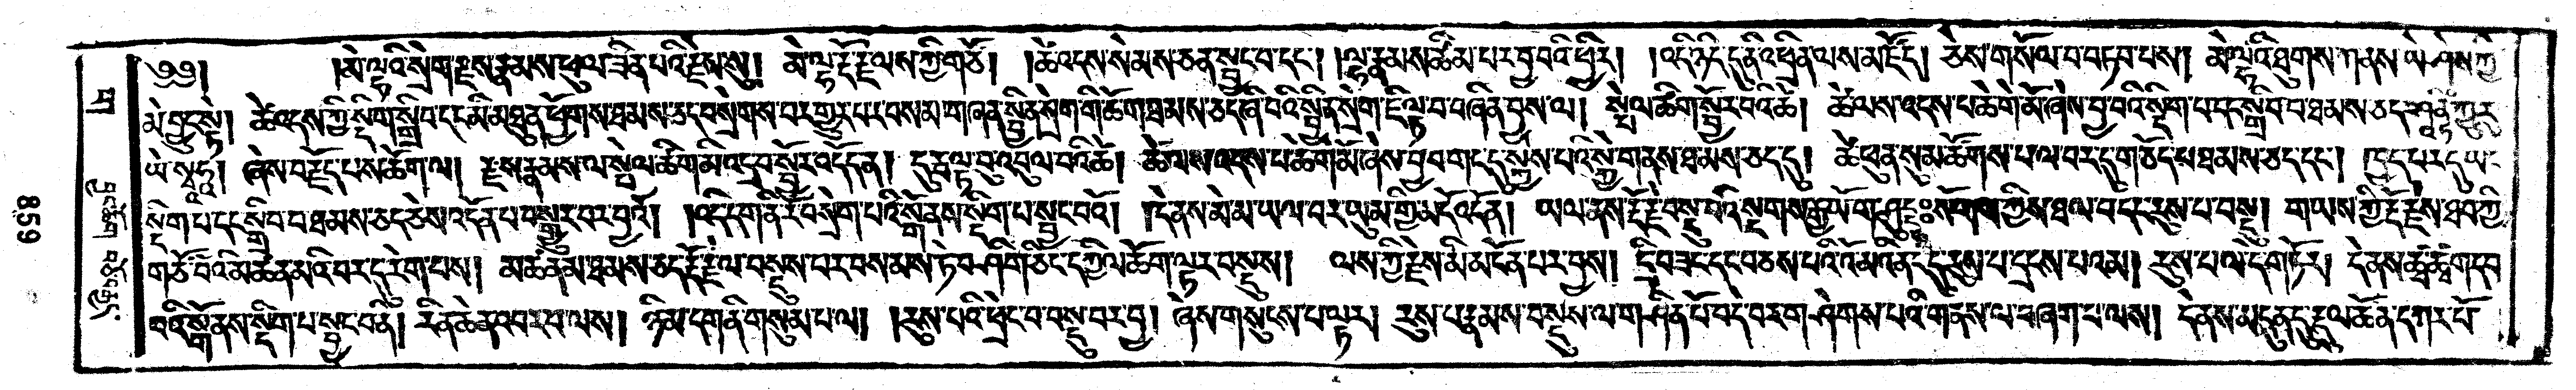༄༅། །མེ་ལྷའི་སྲེག་རྫས་རྣམས་ཕུལ་ཟིན་པའི་རྗེས་སུ། མེ་ལྷ་རྡོ་རྗེ་ལས་ཀྱི་གཙོ། །ཚེ་འདས་སེམས་ཅན་སྦྱང་བ་དང་། །ལྷ་རྣམས་ཚིམ་པར་བྱ་བའི་ཕྱིར། །འདི་ཉིད་དུ་ནི་འཕྲིན་ལས་མཛོད། ཅེས་གསོལ་བ་བཏབ་པས། མེ་ལྷའི་ཐུགས་ཀ་ནས་ཡེ་ཤེས་ཀྱི་
མེ་བྱུང་སྟེ། ཚེ་འདས་ཀྱི་སྡིག་སྒྲིབ་དང་མི་མཐུན་ཕྱོགས་ཐམས་ཅད་བསྲེགས་པར་གྱུར་པར་བསམ་གཞན་སྦྱིན་སྲེག་གི་ཆོ་ག་ཐམས་ཅད་ཞི་བའི་སྦྱིན་སྲེག་ཇི་ལྟ་བ་བཞིན་བྱས་ལ། སྤེལ་ཚིག་སྦྱོར་བའི་ཚེ། ཚེ་ལས་འདས་པ་ཆེ་གེ་མོ་ཞེས་བྱ་བའི་སྡིག་པ་དང་སྒྲིབ་བ་ཐམས་ཅད་ཤཱནྟིཾ་ཀྱུ་རུ་
ཡེ་སྭཱཧཱ། ཞེས་བརྗོད་པས་ཆོག་ལ། རྫས་རྣམས་ལ་སྤེལ་ཚིག་མི་འདྲ་བ་སྦྱོར་འདོད་ན། དུར་བ་ལྟ་བུ་འབུལ་བའི་ཚེ། ཚེ་ལས་འདས་པ་ཆེ་གེ་མོ་ཞེས་བྱ་བ་གང་དུ་སྐྱེས་པའི་སྐྱེ་གནས་ཐམས་ཅད་དུ། ཚེ་ཕུན་སུམ་ཚོགས་པ་ལ་བར་དུ་གཅོད་པ་ཐམས་ཅད་དང་། ཁྱད་པར་དུ་ཡང་
སྡིག་པ་དང་སྒྲིབ་པ་ཐམས་ཅད་ཅེས་འདོན་པ་བསྒྱུར་བར་བྱའོ། །འདི་དག་ནི་རོ་བསྲེག་པའི་སྒོ་ནས་སྡིག་པ་སྦྱང་བའོ། །དེ་ནས་མེ་མ་ཡལ་བར་ཡུམ་གྱི་མདོ་འདོན། ཡལ་ནས་རྡོ་རྗེ་བསྡུ་བའི་སྔགས་རྒྱ་ཡོག་ཤུདྡྷཿ སོགས་ཀྱིས་ཐལ་བ་དང་རུས་པ་བསྡུ། གཡས་ཀྱི་རྡོ་རྗེས་ཐབ་ཀྱི་
གཙོ་བོའི་མཚན་མའི་བར་དུ་རེག་པས། མཚན་མ་ཐམས་ཅད་རྡོ་རྗེ་ལ་བསྡུས་བར་བསམས་ཏེ་བཤིག་ཅིང་དཀྱིལ་ཆོག་ལྟར་བསྡུས། ལས་ཀྱི་རྗེས་མི་མངོན་པར་བྱས། དྲི་བཟང་དང་བཅས་པའི་འོ་མའི་ནང་དུ་རུས་པ་དྲངས་པའམ། རུས་པལ་དེ་གཏོར། དེ་ནས་ཚྭ་ཚྭ་གདབ་
བའི་སྒོ་ནས་སྡིག་པ་སྦྱང་བ་ནི། རིན་ཆེན་འབར་བ་ལས། ཉི་མ་དག་ནི་གསུམ་པ་ལ། །རུས་པའི་ཕྲེང་བ་བསྡུ་བར་བྱ། ཞེས་གསུངས་པ་ལྟར། རུས་པ་རྣམས་བསྡུས་ལ་གཤིན་པོ་བདེ་བར་གཤེགས་པའི་གནས་ལ་བཞག་པ་ལས། དེ་ནས་མདུན་དུ་རྡུལ་ཚོན་དཀར་པོ་